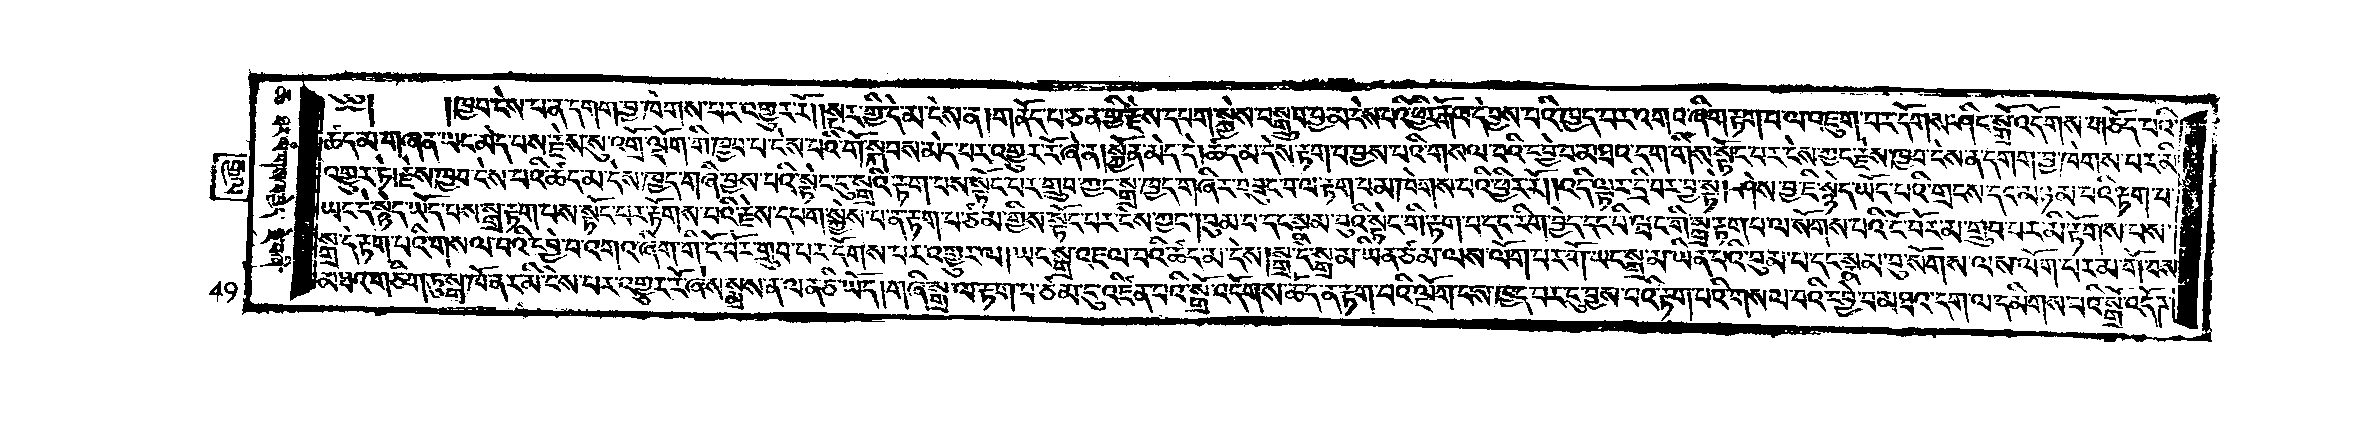༄༅། །ཁྱབ་ངེས་པ་ན་དགག་བྱ་ཁེགས་པར་འགྱུར་རོ། །སྔར་གྱི་དེ་མ་ངེས་ན། གནོད་པ་ཅན་གྱི་རྗེས་དཔག་སྐྱེས་བསྒྲུབ་བྱ་མ་ངེས་པའི་ཕྱིར་རྒོལ་དེ་བྱས་པའི་ཁྱད་པར་འགའ་ཞིག་རྟག་པ་ལ་འཇུག་པར་དོགས་ཤིང་སྒྲོ་འདོགས་གཅོད་པའི་
ཚད་མ་གཞན་ཡང་མེད་པས་རྗེས་སུ་འགྲོ་ལྡོག་གི་ཁྱབ་པ་ངེས་པའི་གོ་སྐབས་མེད་པར་འགྱུར་རོ་ཞེ་ན། སྐྱོན་མེད་དེ། ཚད་མ་དེས་རྟག་པ་བྱས་པའི་གསལ་བའི་དབྱེ་བ་མཐའ་དག་གིས་སྟོང་པར་ངེས་ཀྱང་རྗེས་ཁྱབ་ངེས་ན་དགག་བྱ་ཁེགས་པར་མི་
འགྱུར་ཏེ། རྗེས་ཁྱབ་ངེས་པའི་ཚད་མ་དེས་ཁྱད་གཞི་བྱས་པའི་སྟེང་དུ་སྒྲའི་རྟག་པས་སྟོང་པར་གྲུབ་ཀྱང་སྒྲ་ཁྱད་གཞིར་བཟུང་བ་ལ་རྟག་པ་མ་ཁེགས་པའི་ཕྱིར་རོ། །འདི་ལྟར་དྲི་བར་བྱ་སྟེ། ཤེས་བྱ་ཇི་སྙེད་ཡོད་པའི་གྲངས་དང་མཉམ་པའི་རྟག་པ་
ཡང་དེ་སྙེད་ཡོད་པས་སྒྲ་རྟག་པས་སྟོང་པར་རྟོགས་པའི་རྗེས་དཔག་སྐྱེས་པ་ན་རྟག་པ་ཙམ་གྱིས་སྟོང་པར་ངེས་ཀྱང་། བུམ་པ་དང་སྣམ་བུའི་སྟེང་གི་རྟག་པ་དང་རིག་བྱེད་དང་པི་ཝང་གི་སྒྲ་རྟག་པ་ལ་སོགས་པའི་ངོ་བོར་མ་གྲུབ་པར་མི་རྟོགས་པས་
སྒྲ་དེ་རྟག་པའི་གསལ་བའི་དབྱེ་བ་འགའ་ཞིག་གི་ངོ་བོར་གྲུབ་པར་དོགས་པར་འགྱུར་ལ། ཡང་སྒྲ་འཇལ་བའི་ཚད་མ་ངེས། སྒྲ་དེ་སྒྲ་མ་ཡིན་ཙམ་ལས་ལོག་པར་གོ་ཡང་སྒྲ་མ་ཡིན་པའི་བུམ་པ་དང་སྣམ་བུ་སོགས་ལས་ལོག་པར་མ་གོ་བས་
མཐའ་གཅིག་ཏུ་སྒྲ་ཁོ་ནར་མི་ངེས་པར་འགྱུར་རོ་ཞེས་སྨྲས་ན་ལན་ཅི་ཡོད། གཞི་སྒྲ་ལ་རྟག་པ་ཙམ་དུ་འཛིན་པའི་སྒྲོ་འདོགས་ཆོད་ན་རྟག་པའི་ལྡོག་པས་ཁྱད་པར་དུ་བྱས་པའི་རྟག་པའི་གསལ་བའི་དབྱེ་བ་མཐའ་དག་ལ་དམིགས་པའི་སྒྲོ་འདོཌ་